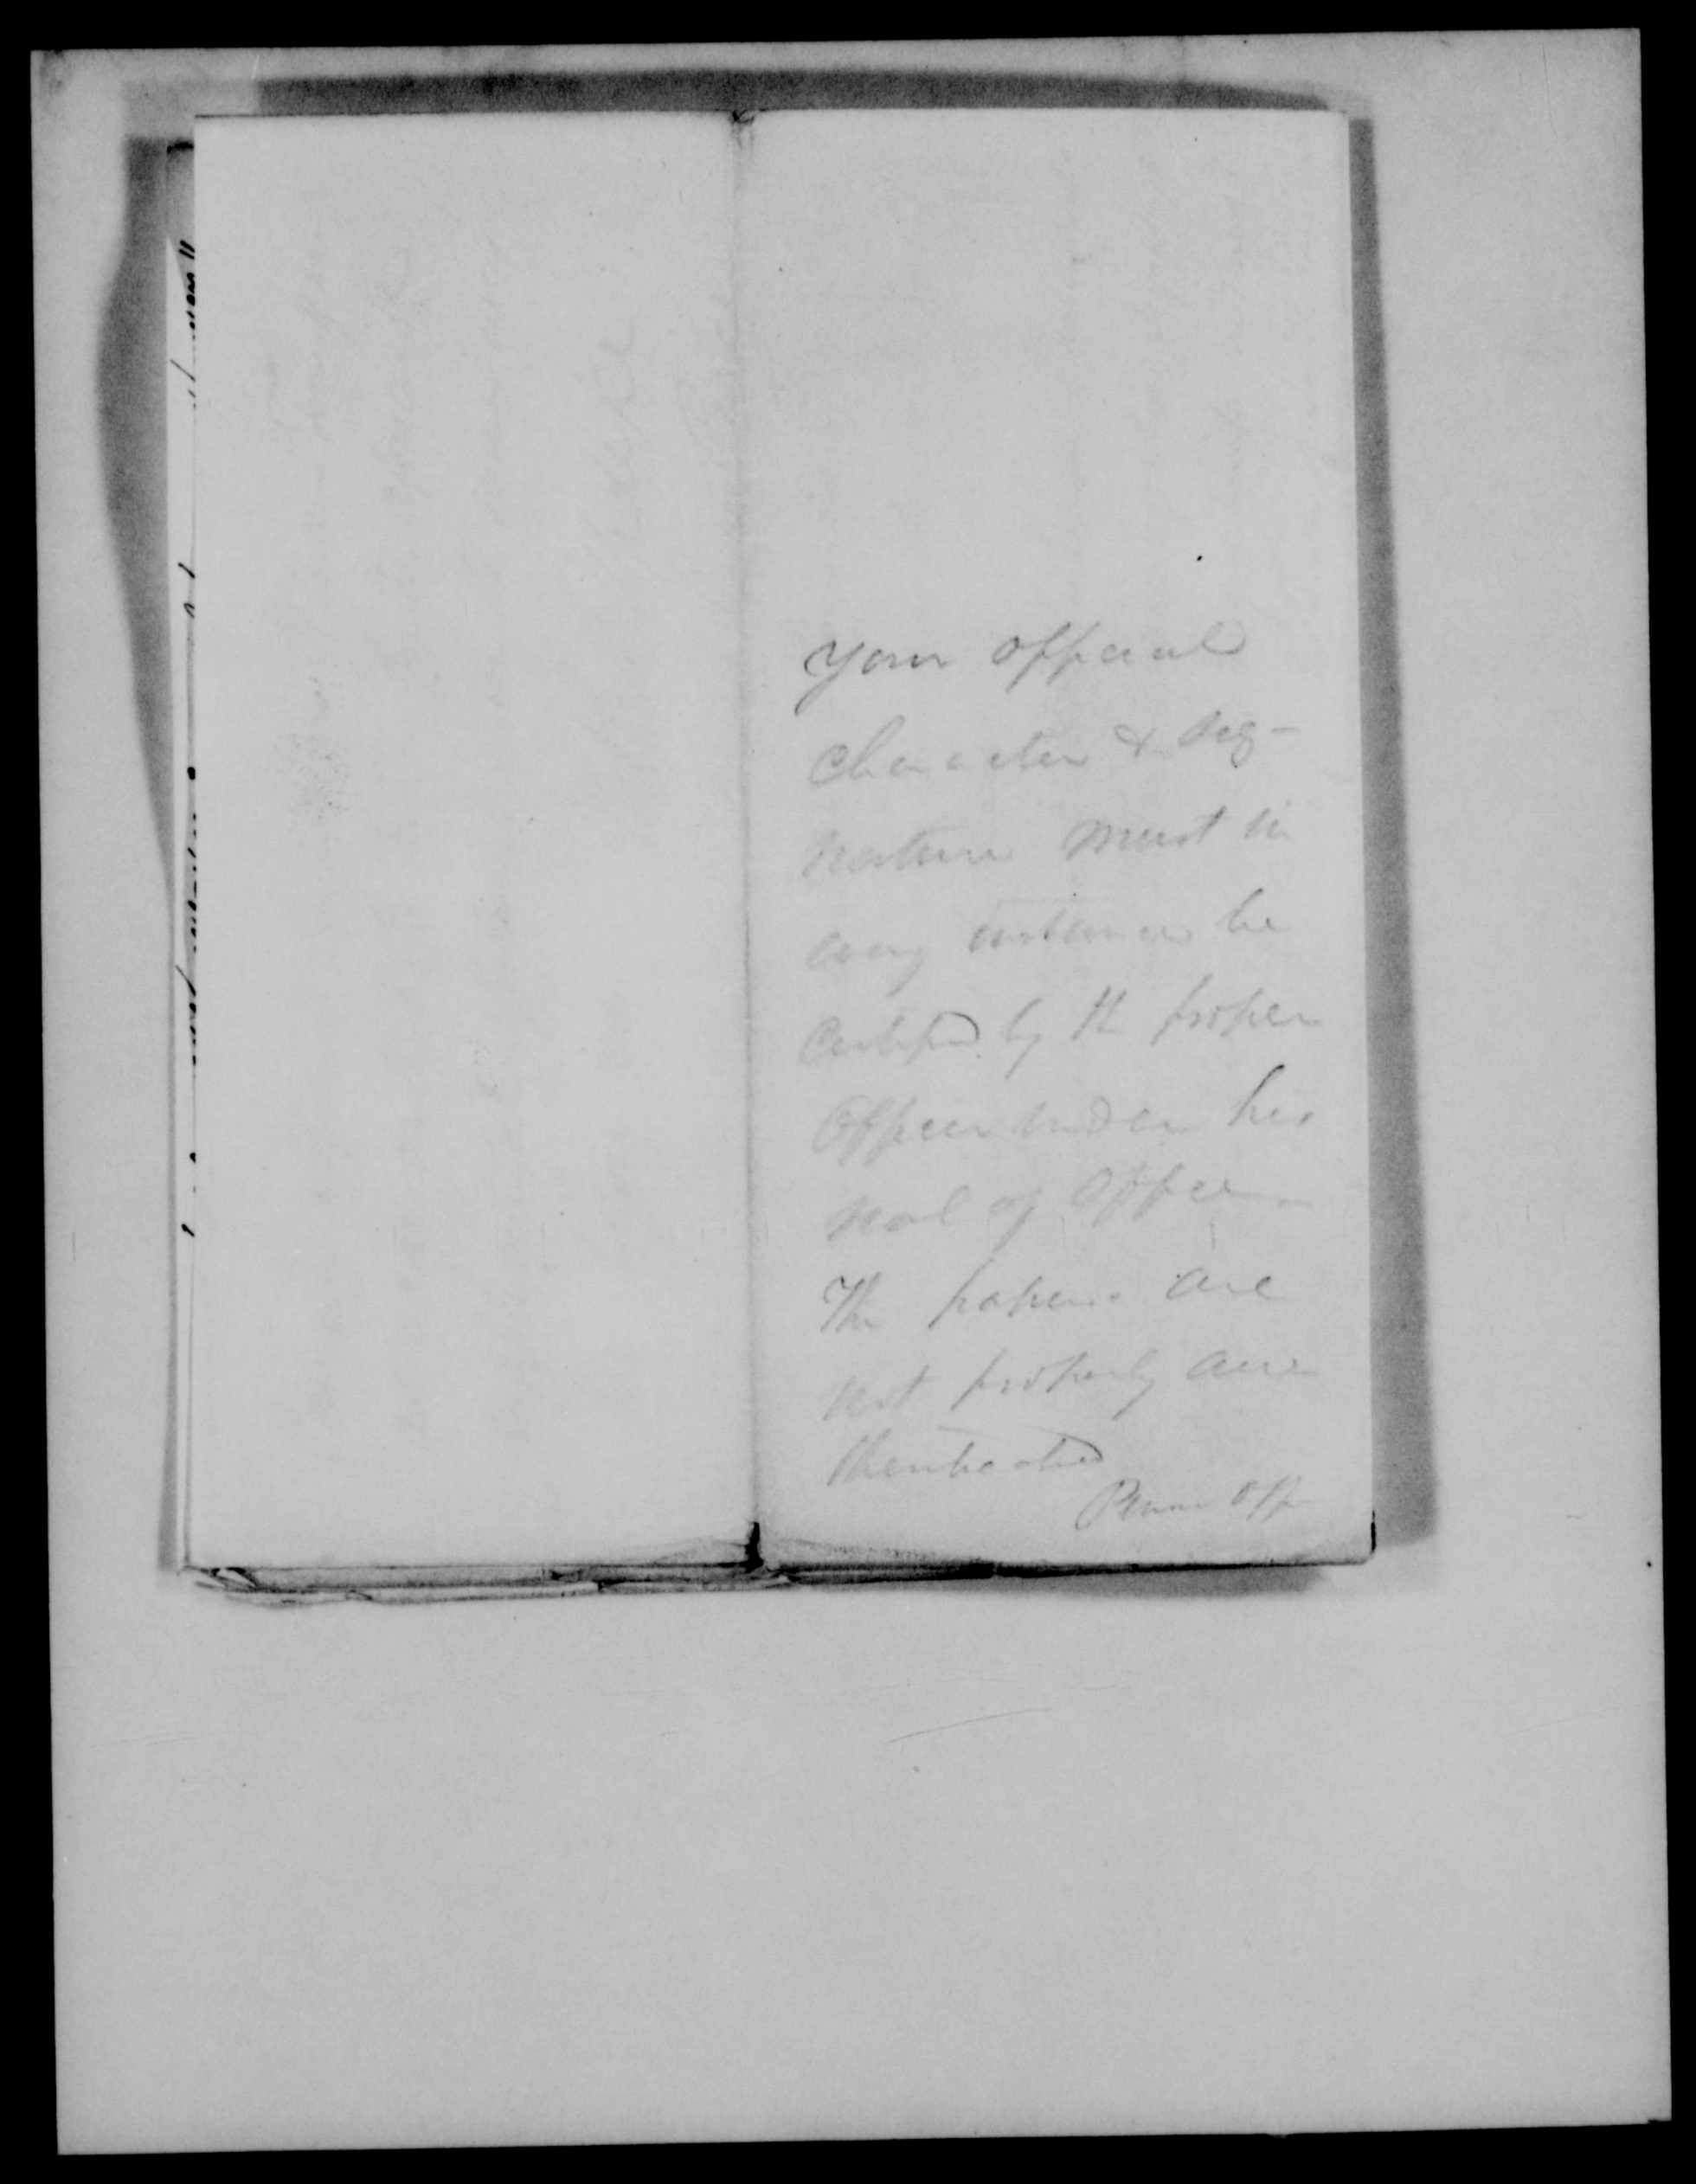your official character & signature must in ever instance be certified by the proper officer under his seal of office. The papers are not properly authenticated
Penn off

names: H Popen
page: 10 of 21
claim: survivor's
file: S. 21537, William Tourgee, R.I.